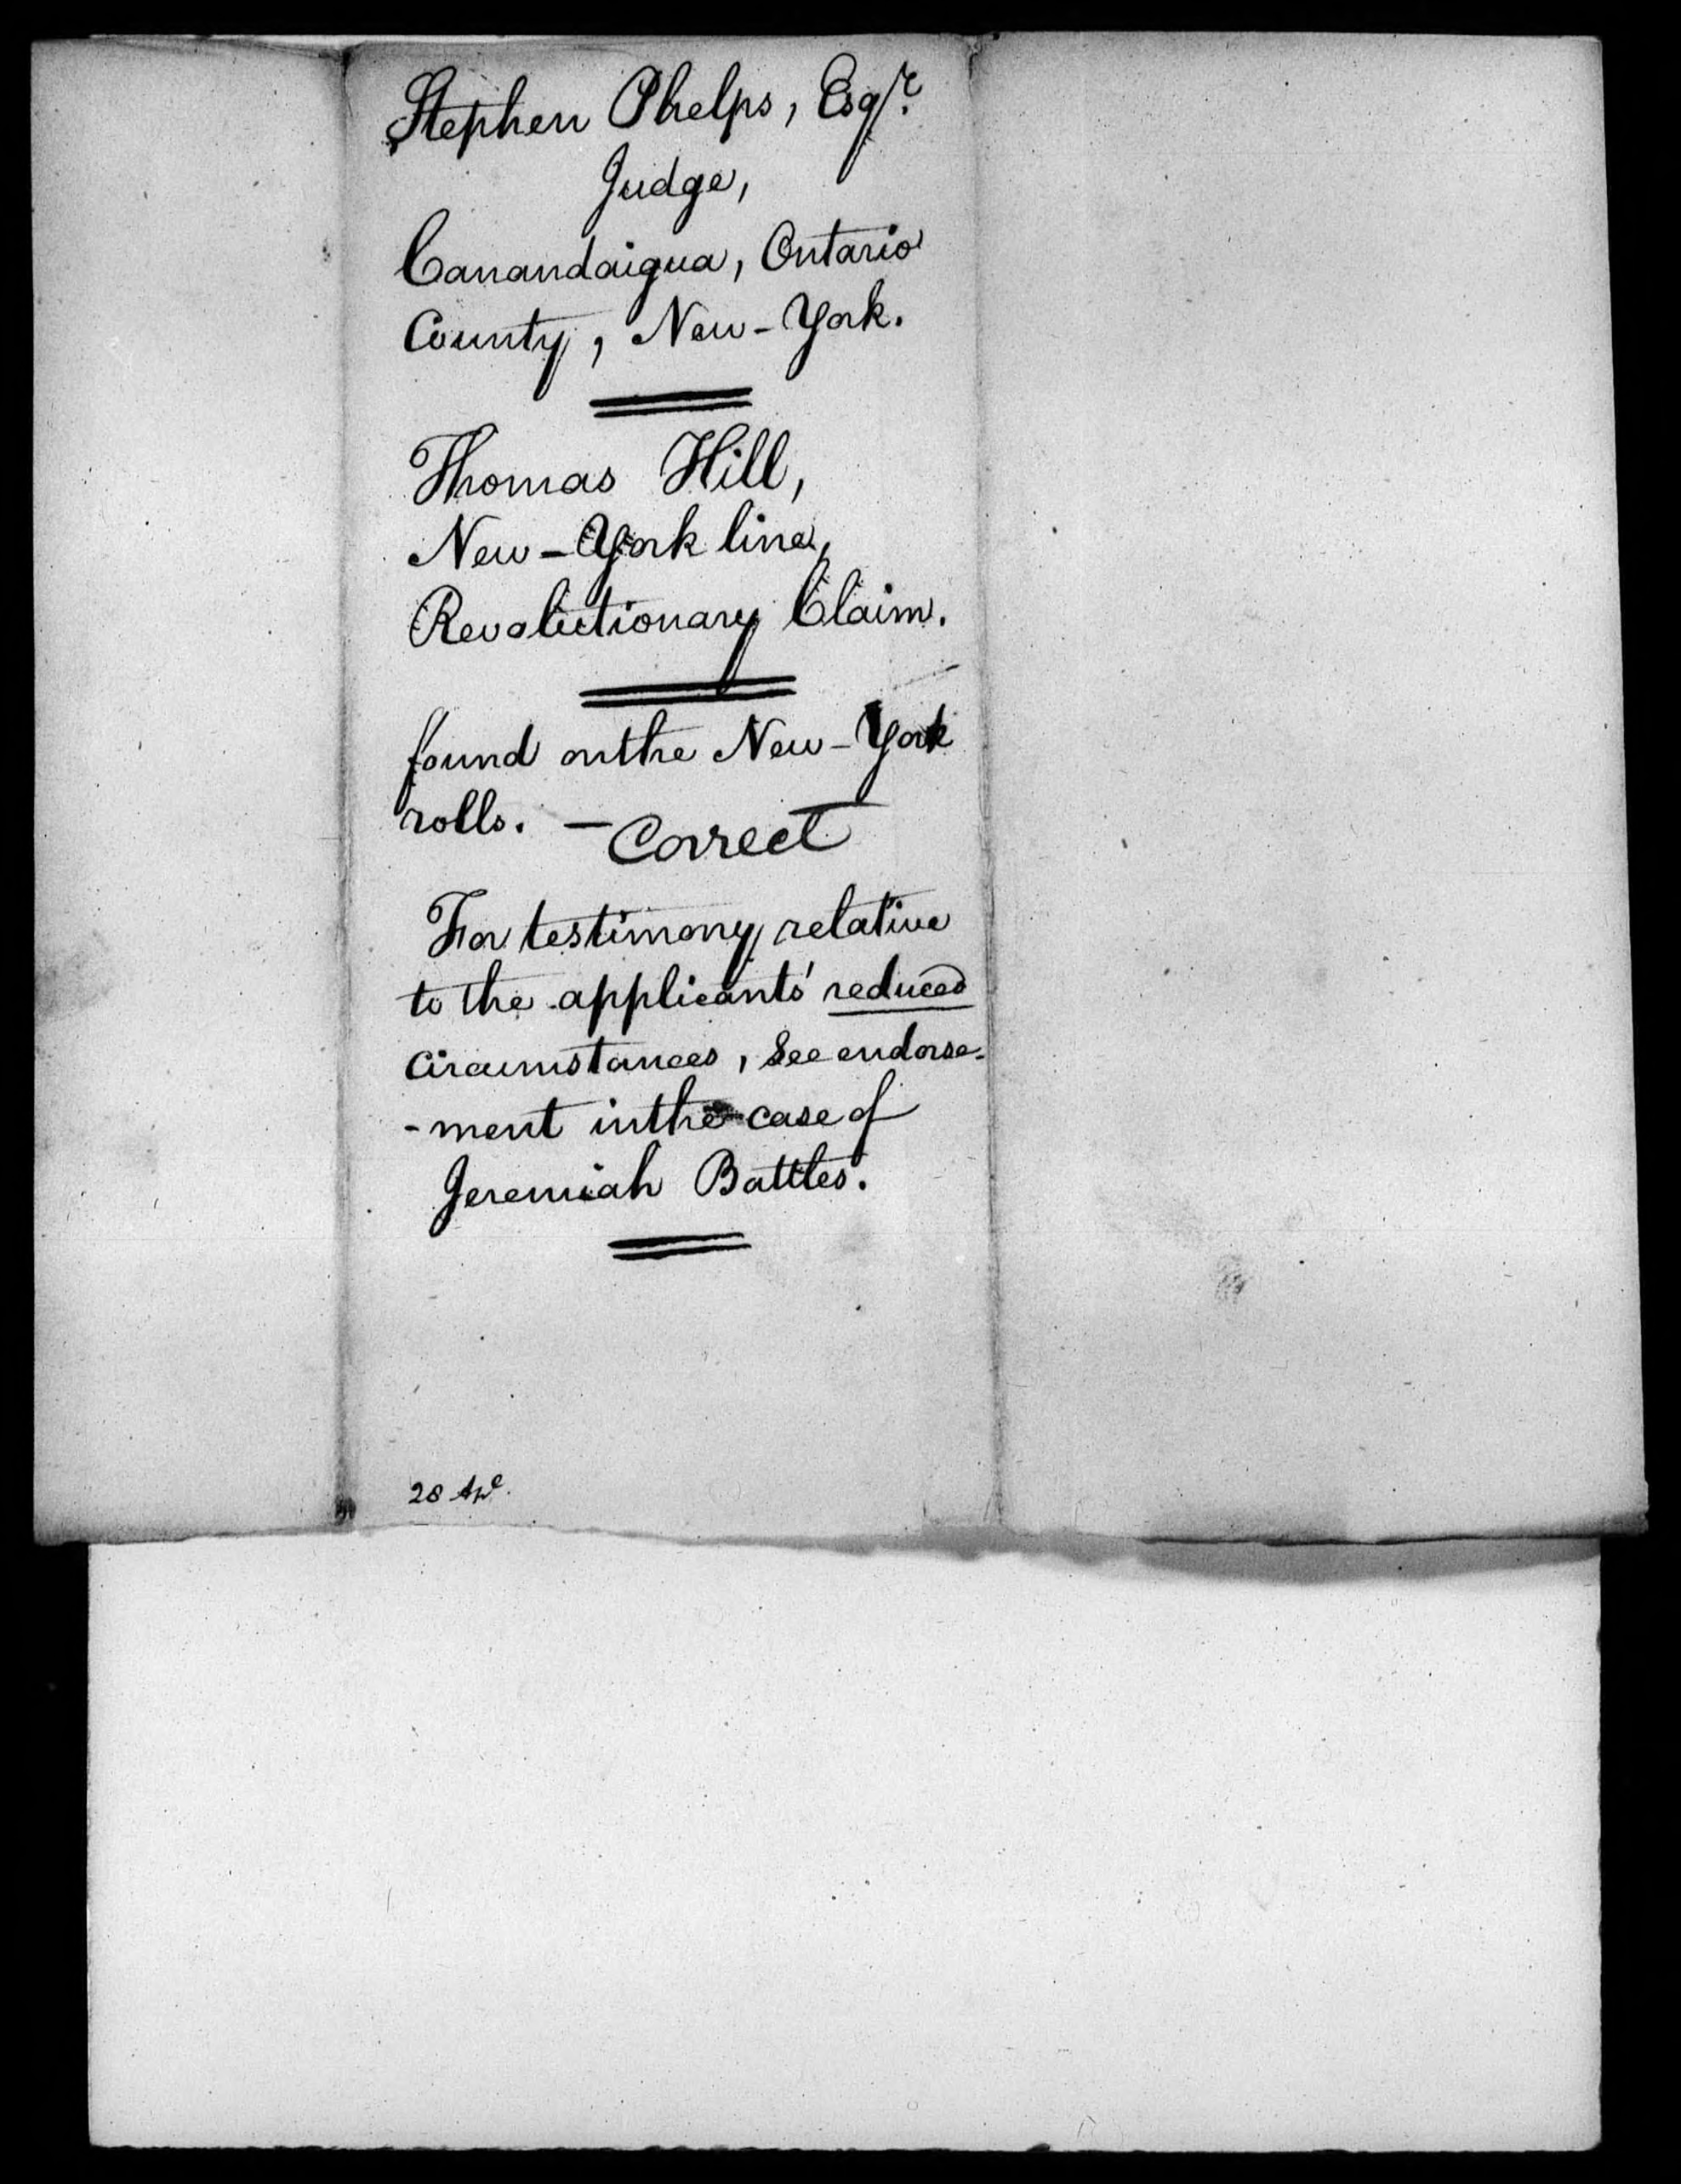Stephen Phelps, Esq.
Judge,
Canandaigua, Ontario County, New-York.

Thomas Hill,
New-York line,
Revolutionary Claim.

found on the New-York rolls. -Correct
For testimony relative to the applicants' reduced circumstances, see endorsement in the case of Jeremiah Battles.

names: Stephen Phelps, Thomas Hill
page: 31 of 31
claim: survivor's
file: S. 43672, Thomas Hill, New York